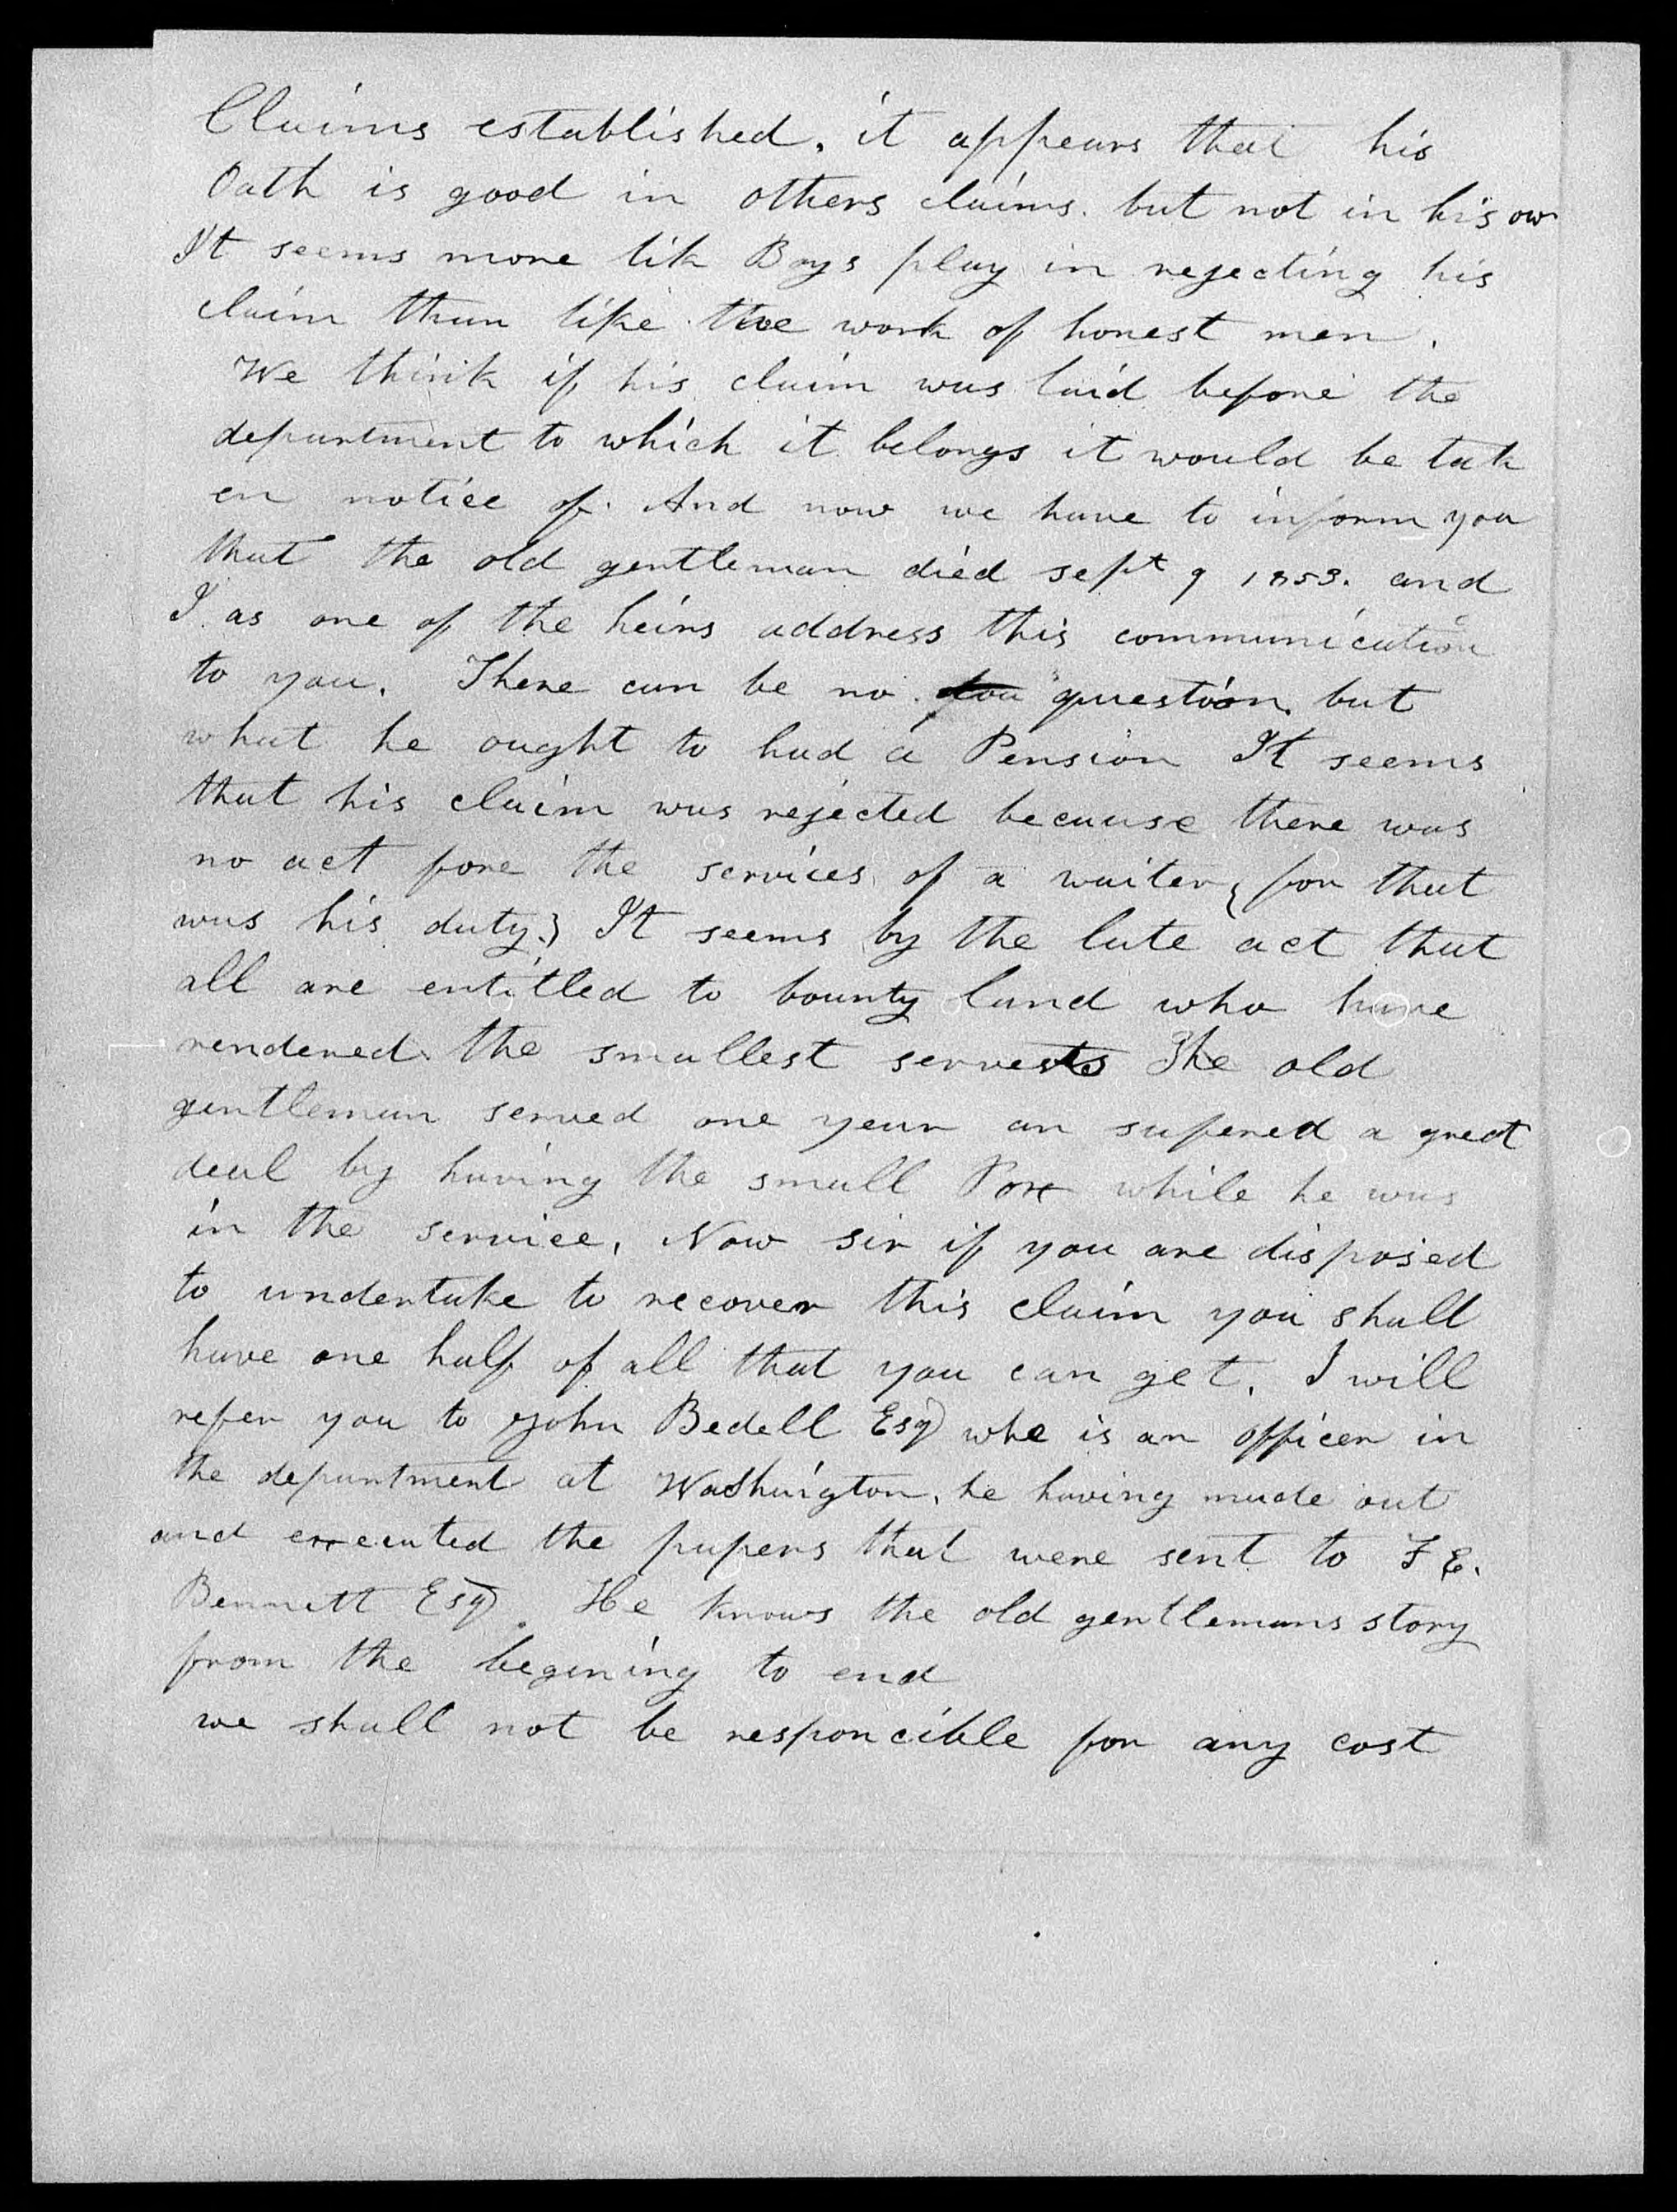Claims established, it appears that his Oath is good in other claims, but not in his own. It seems more like Boys play in rejecting his
claim then like the work of honest men. We think if his claim was laid before the
department to which it belongs it would be taken notice of And now we have to inform you that the old gentleman died Sept 1, 1853 and I as one of the heirs address this communication to you. There can be no question that he ought to had a pension. It seems that his claim was rejected because there was no act for the service of a waiter(for that was his duty.) It seems by the late act that
all are entitled to bounty land who have
rendered the smallest service. the old
gentleman served one year and suffered a great deal by having the small pox while he was in the service, Now sir if you are disposed
to undertake to recover this claim you shall
have one half of all that you can get.

I will refer you to John Bedell Esq. who is an
officer in the department at Washington, he having made out and executed the papers that were sent to F.E. Bennett Esq. He knows the old gentleman's Story from the beginning to end. We shall not be responsible for any cost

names: F E Bennett; John Bedell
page: 11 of 14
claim: rejected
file: R 5922, for Jonathan Kimball, New Hampshire